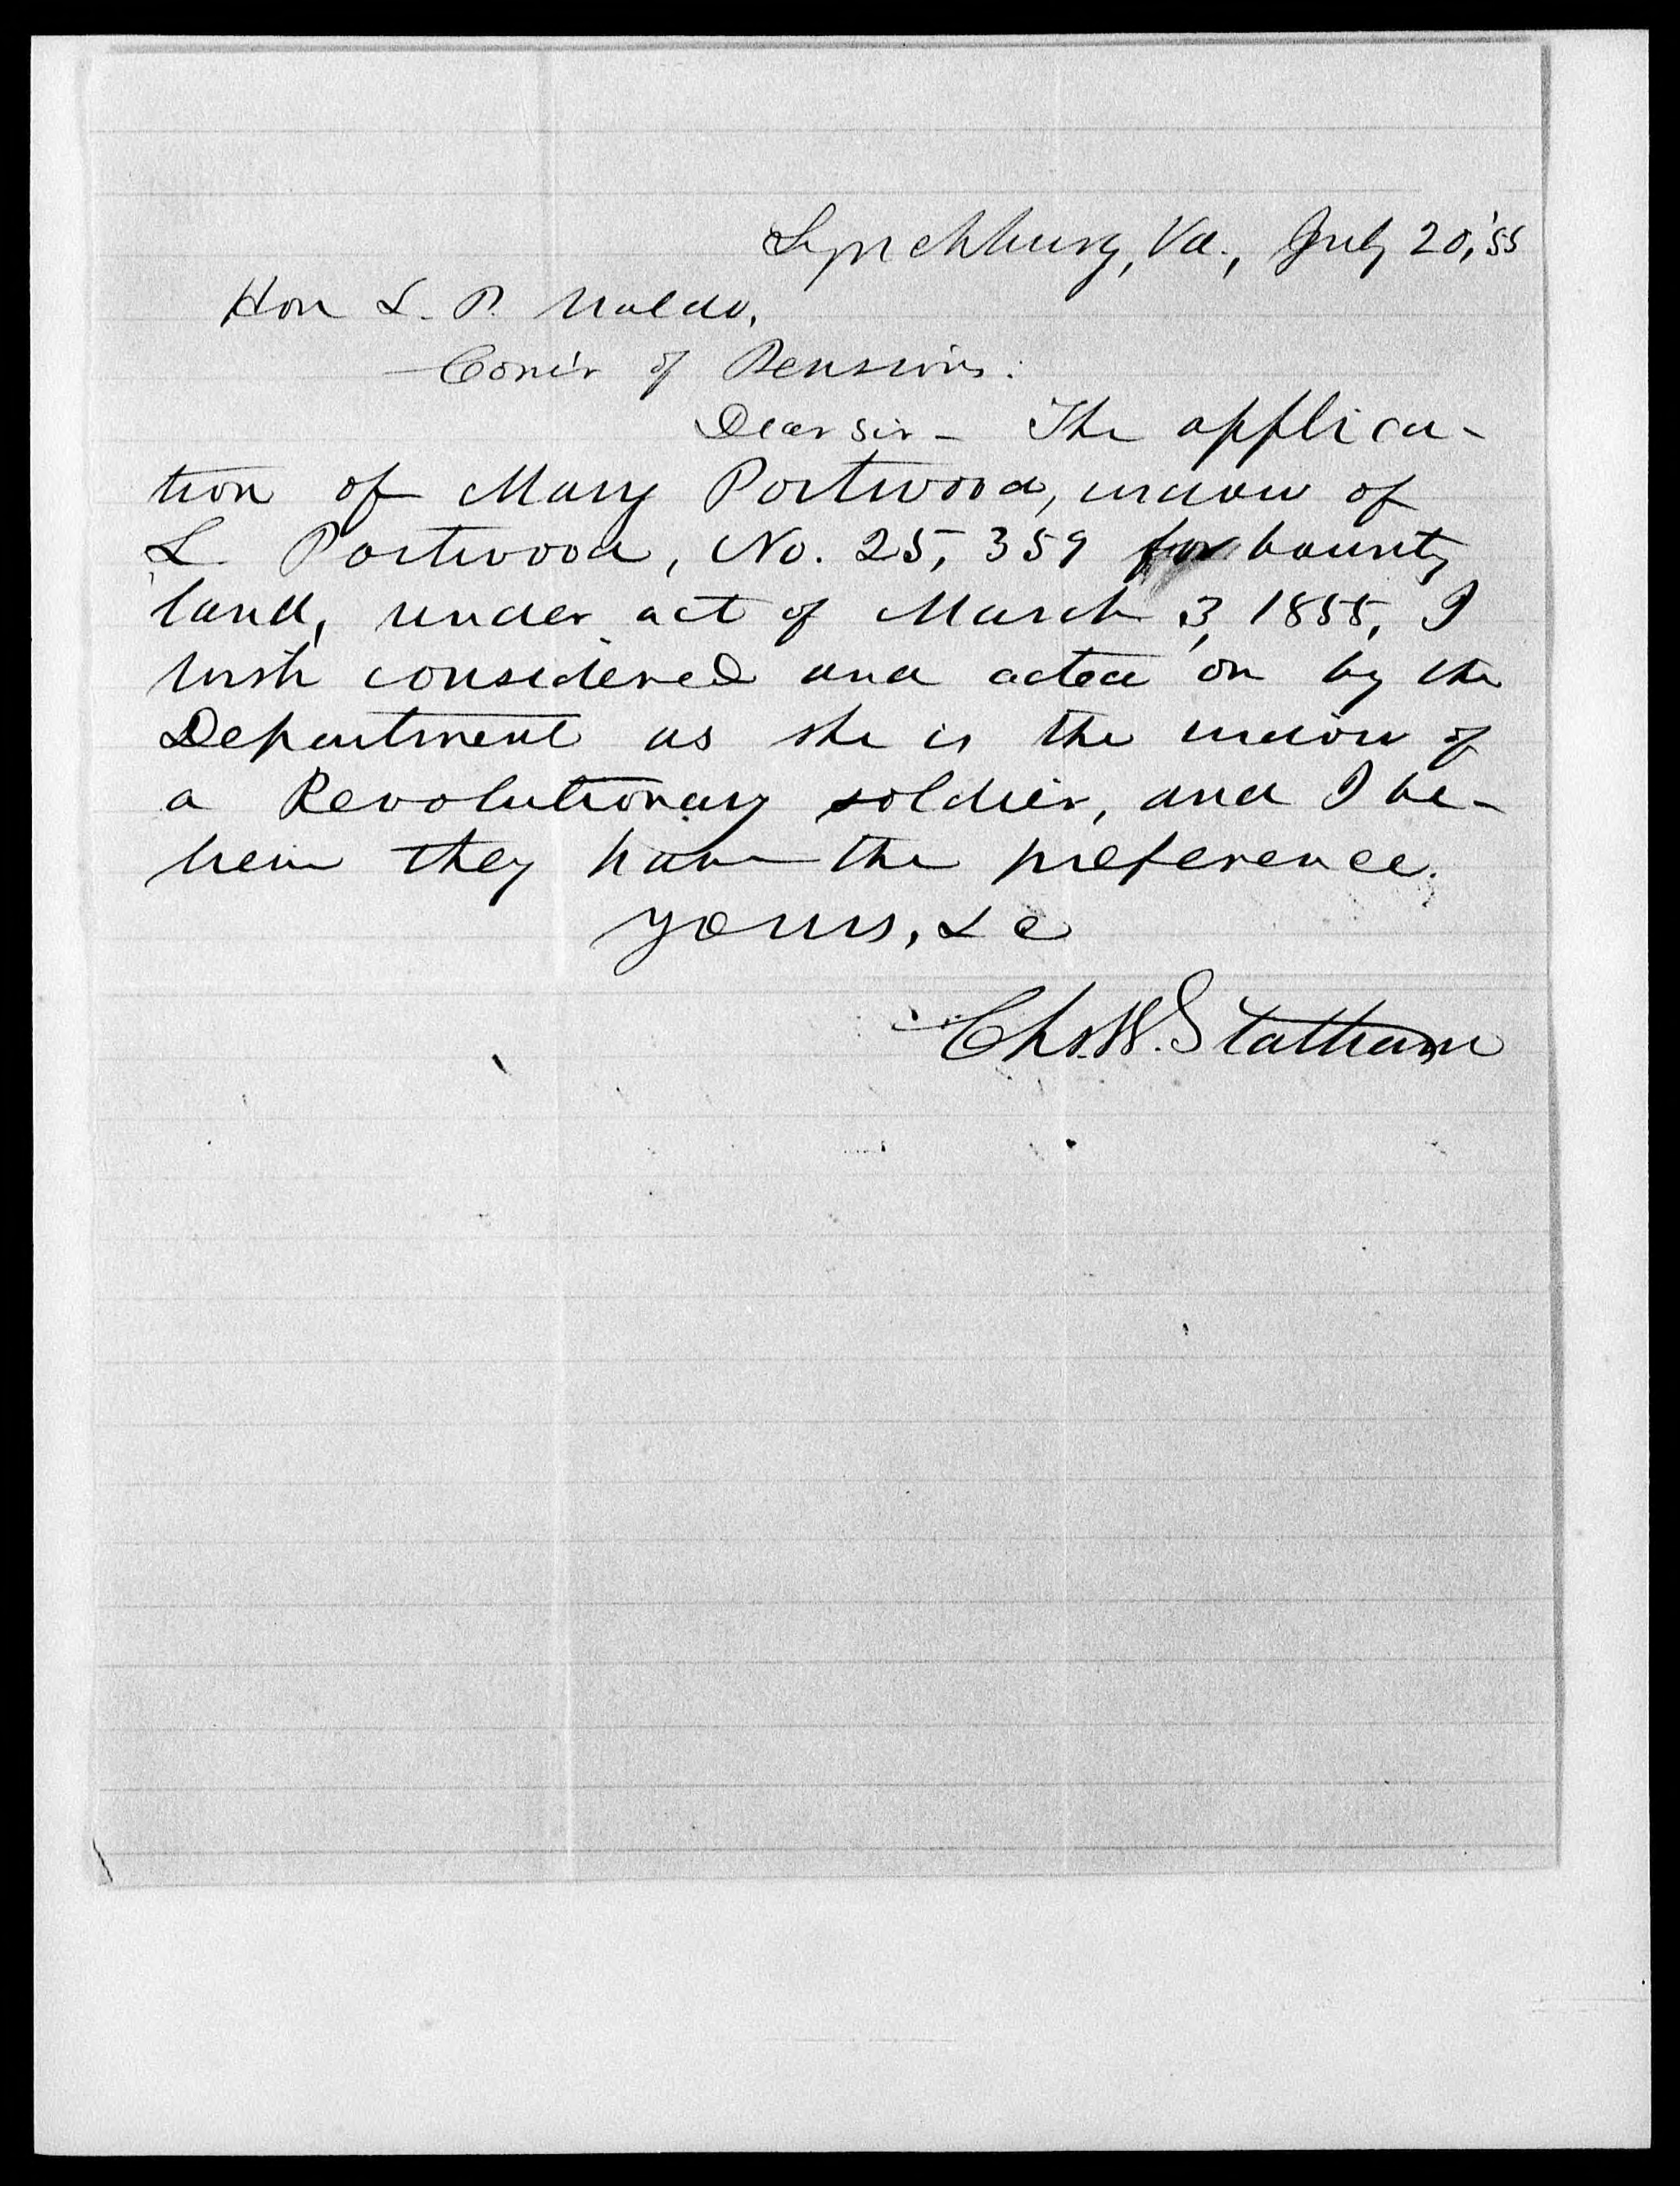Lynchburg, Va, July 20, '55
Hon L. P. Waldo,
Com'r of Pensions:
Dear Sir-- The application
of Mary Portwood, widow of
L. Portwood, No. 25, 359 for bounty
land, under act of March 3, 1855, I
wish considered and acted on by the
Department as she is the widow of
a Revolutionary soldier, and I believe
they have the preference.
yours, &c
all
Chs. W. Statham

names: Mary Portwood; Chs W Statham; L Portwood; L P Waldo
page: 22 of 50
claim: widow's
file: W. 1929, for Lloyd Portwood, Virginia